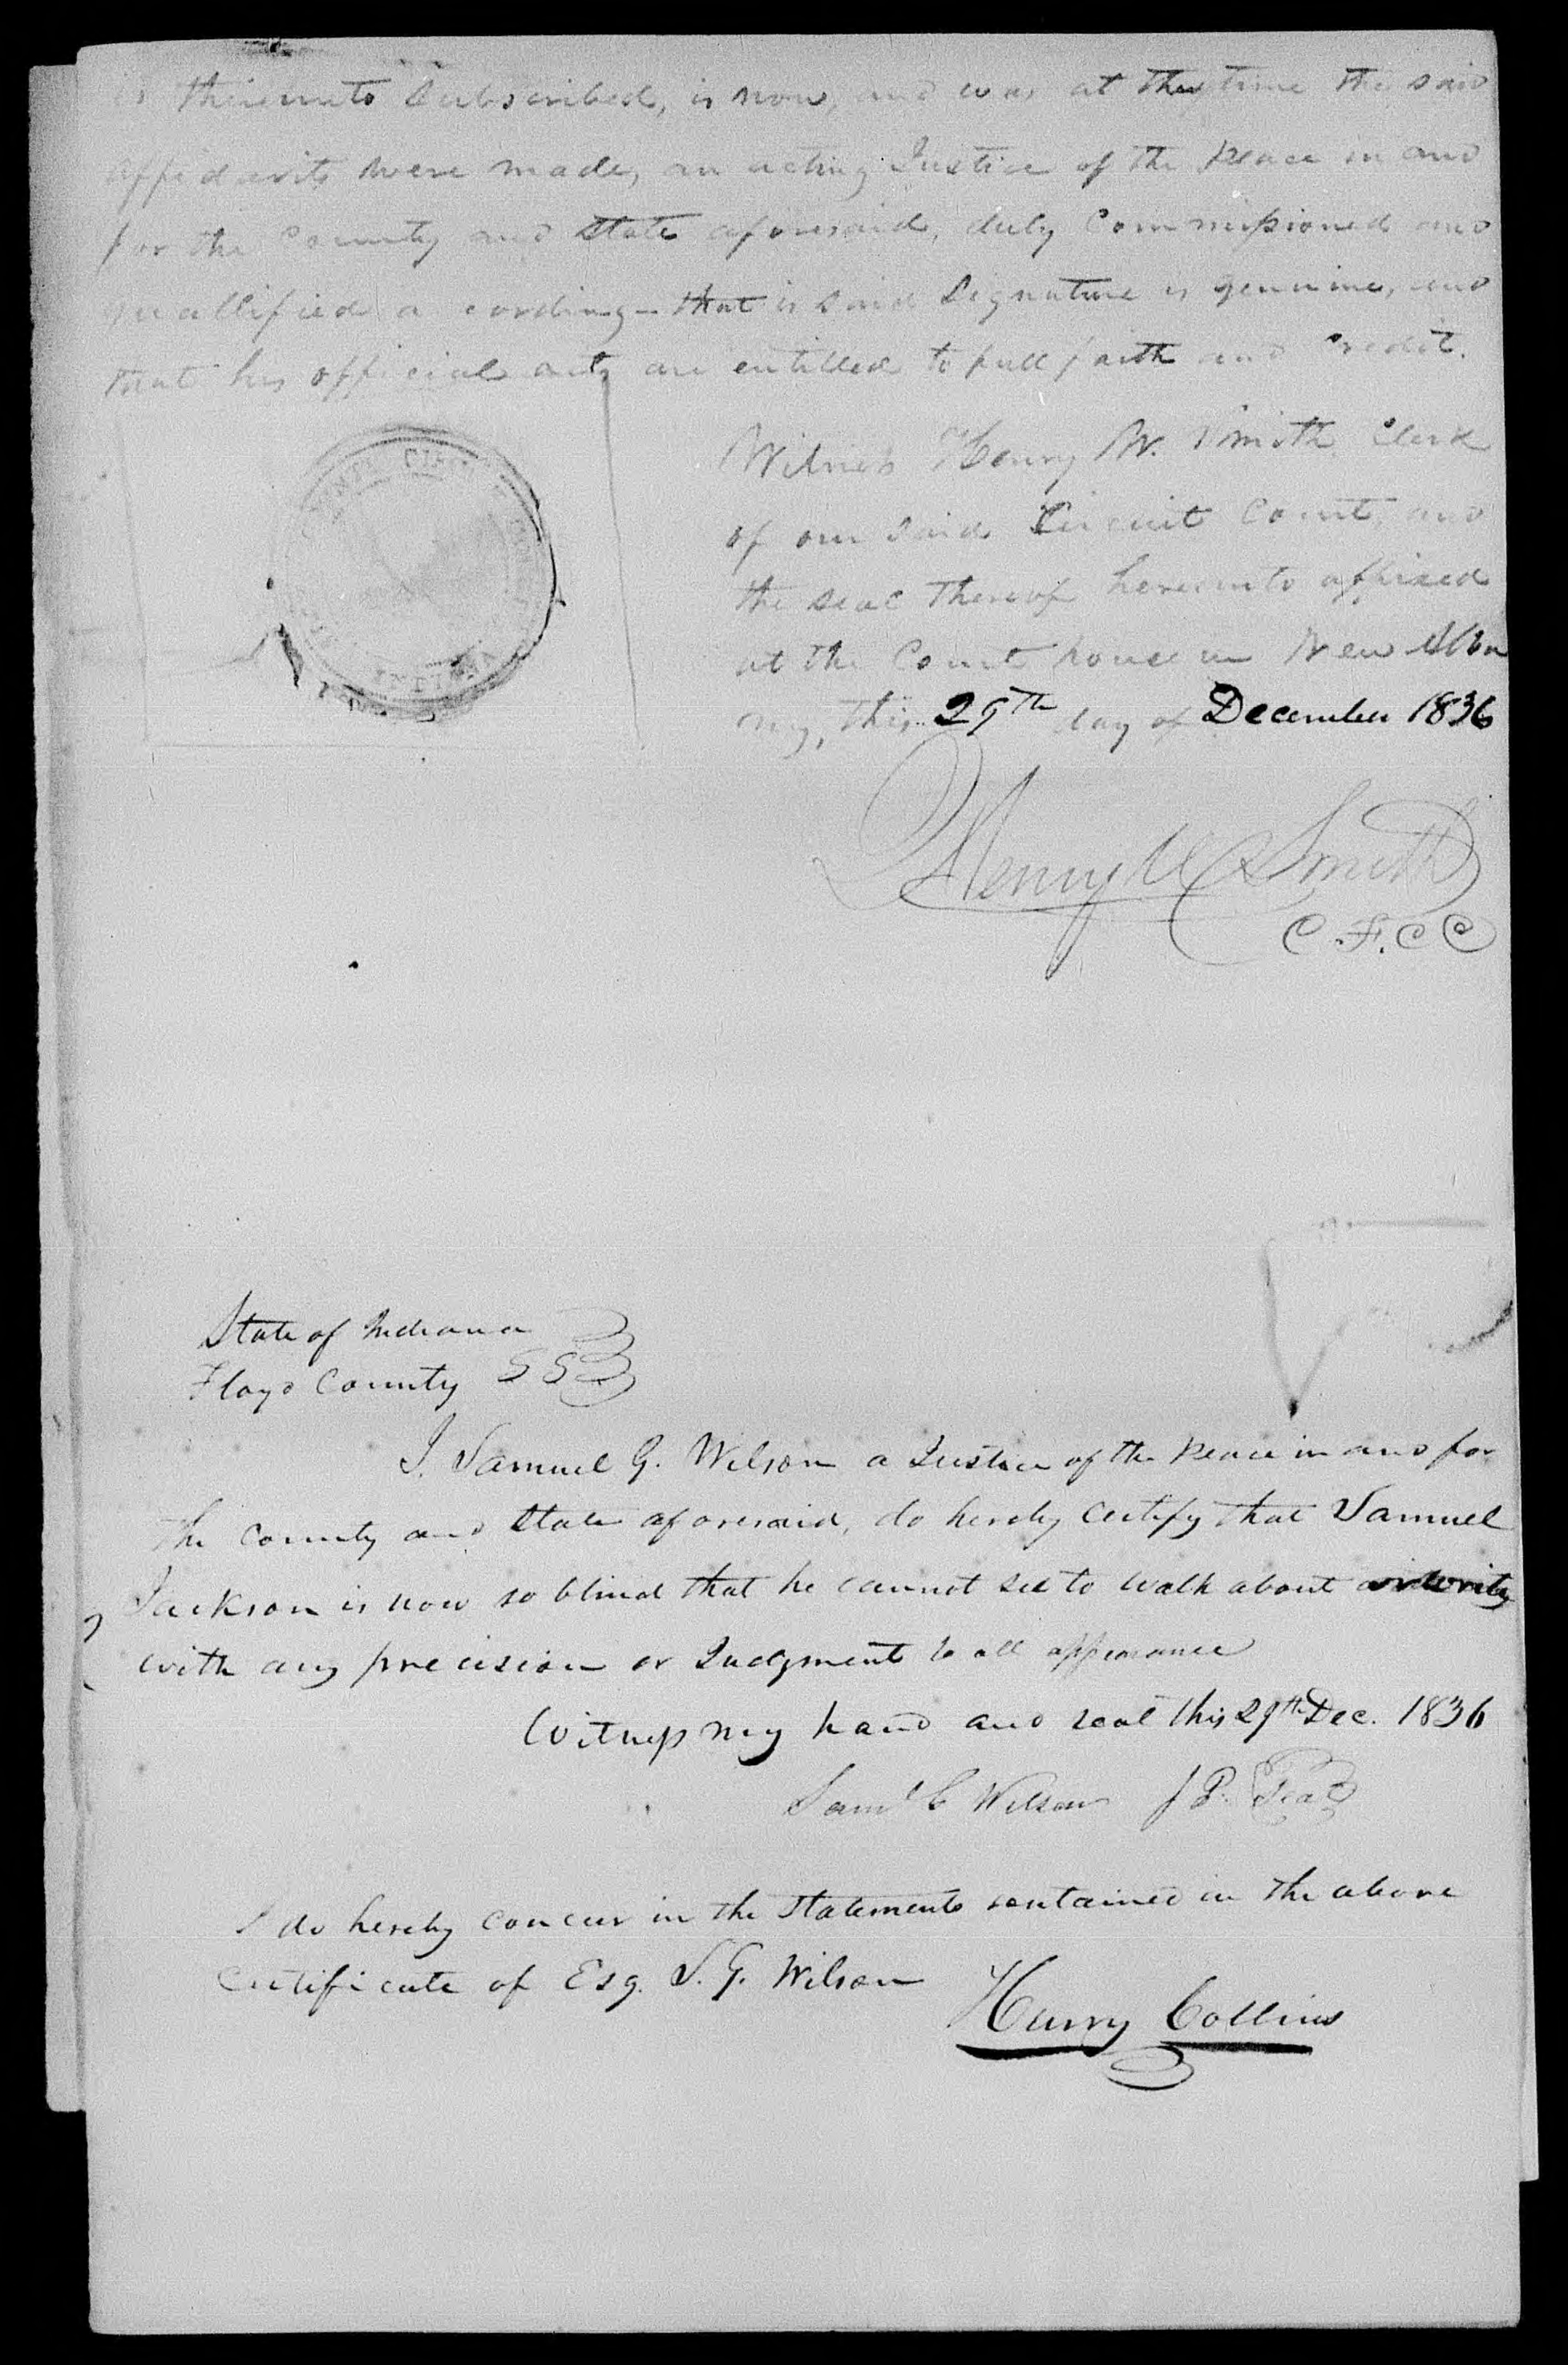thereunto subscribed, is now, and was at the time the said
affidavits were made, an acting Justice of the Peace in and
for the County and State aforesaid, duly commissioned and
quallified according _ that his said signature is genuine, and
that his official acts
are entitled to full faith and credit
Witness Henry W. Smith Clerk
of our said Circuit Court and
the seal thereof hereunto affixed
at the Court house in New Albany,
this 29th day of December 1836
Henry W Smith
C. F. C C

State of Indiana
Floyd County
I Samuel G. Wilson a Justice of the Peace in and for
County and State aforesaid, do hereby certify that Samuel
Jackson is now so blind that he cannot see to walk about [crossed out, illegible]
with any precision of Judgment to all appearance
Witness my hand and seal this 29th Dec. 1836
Saml  G Wilson  J P Seal

I do hereby concur in the statement contained in the above
certificate of Esq. J. G. Wilson
Harry Collins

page: 32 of 56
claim: rejected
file: R 5529, for Samuel Jackson, Virginia